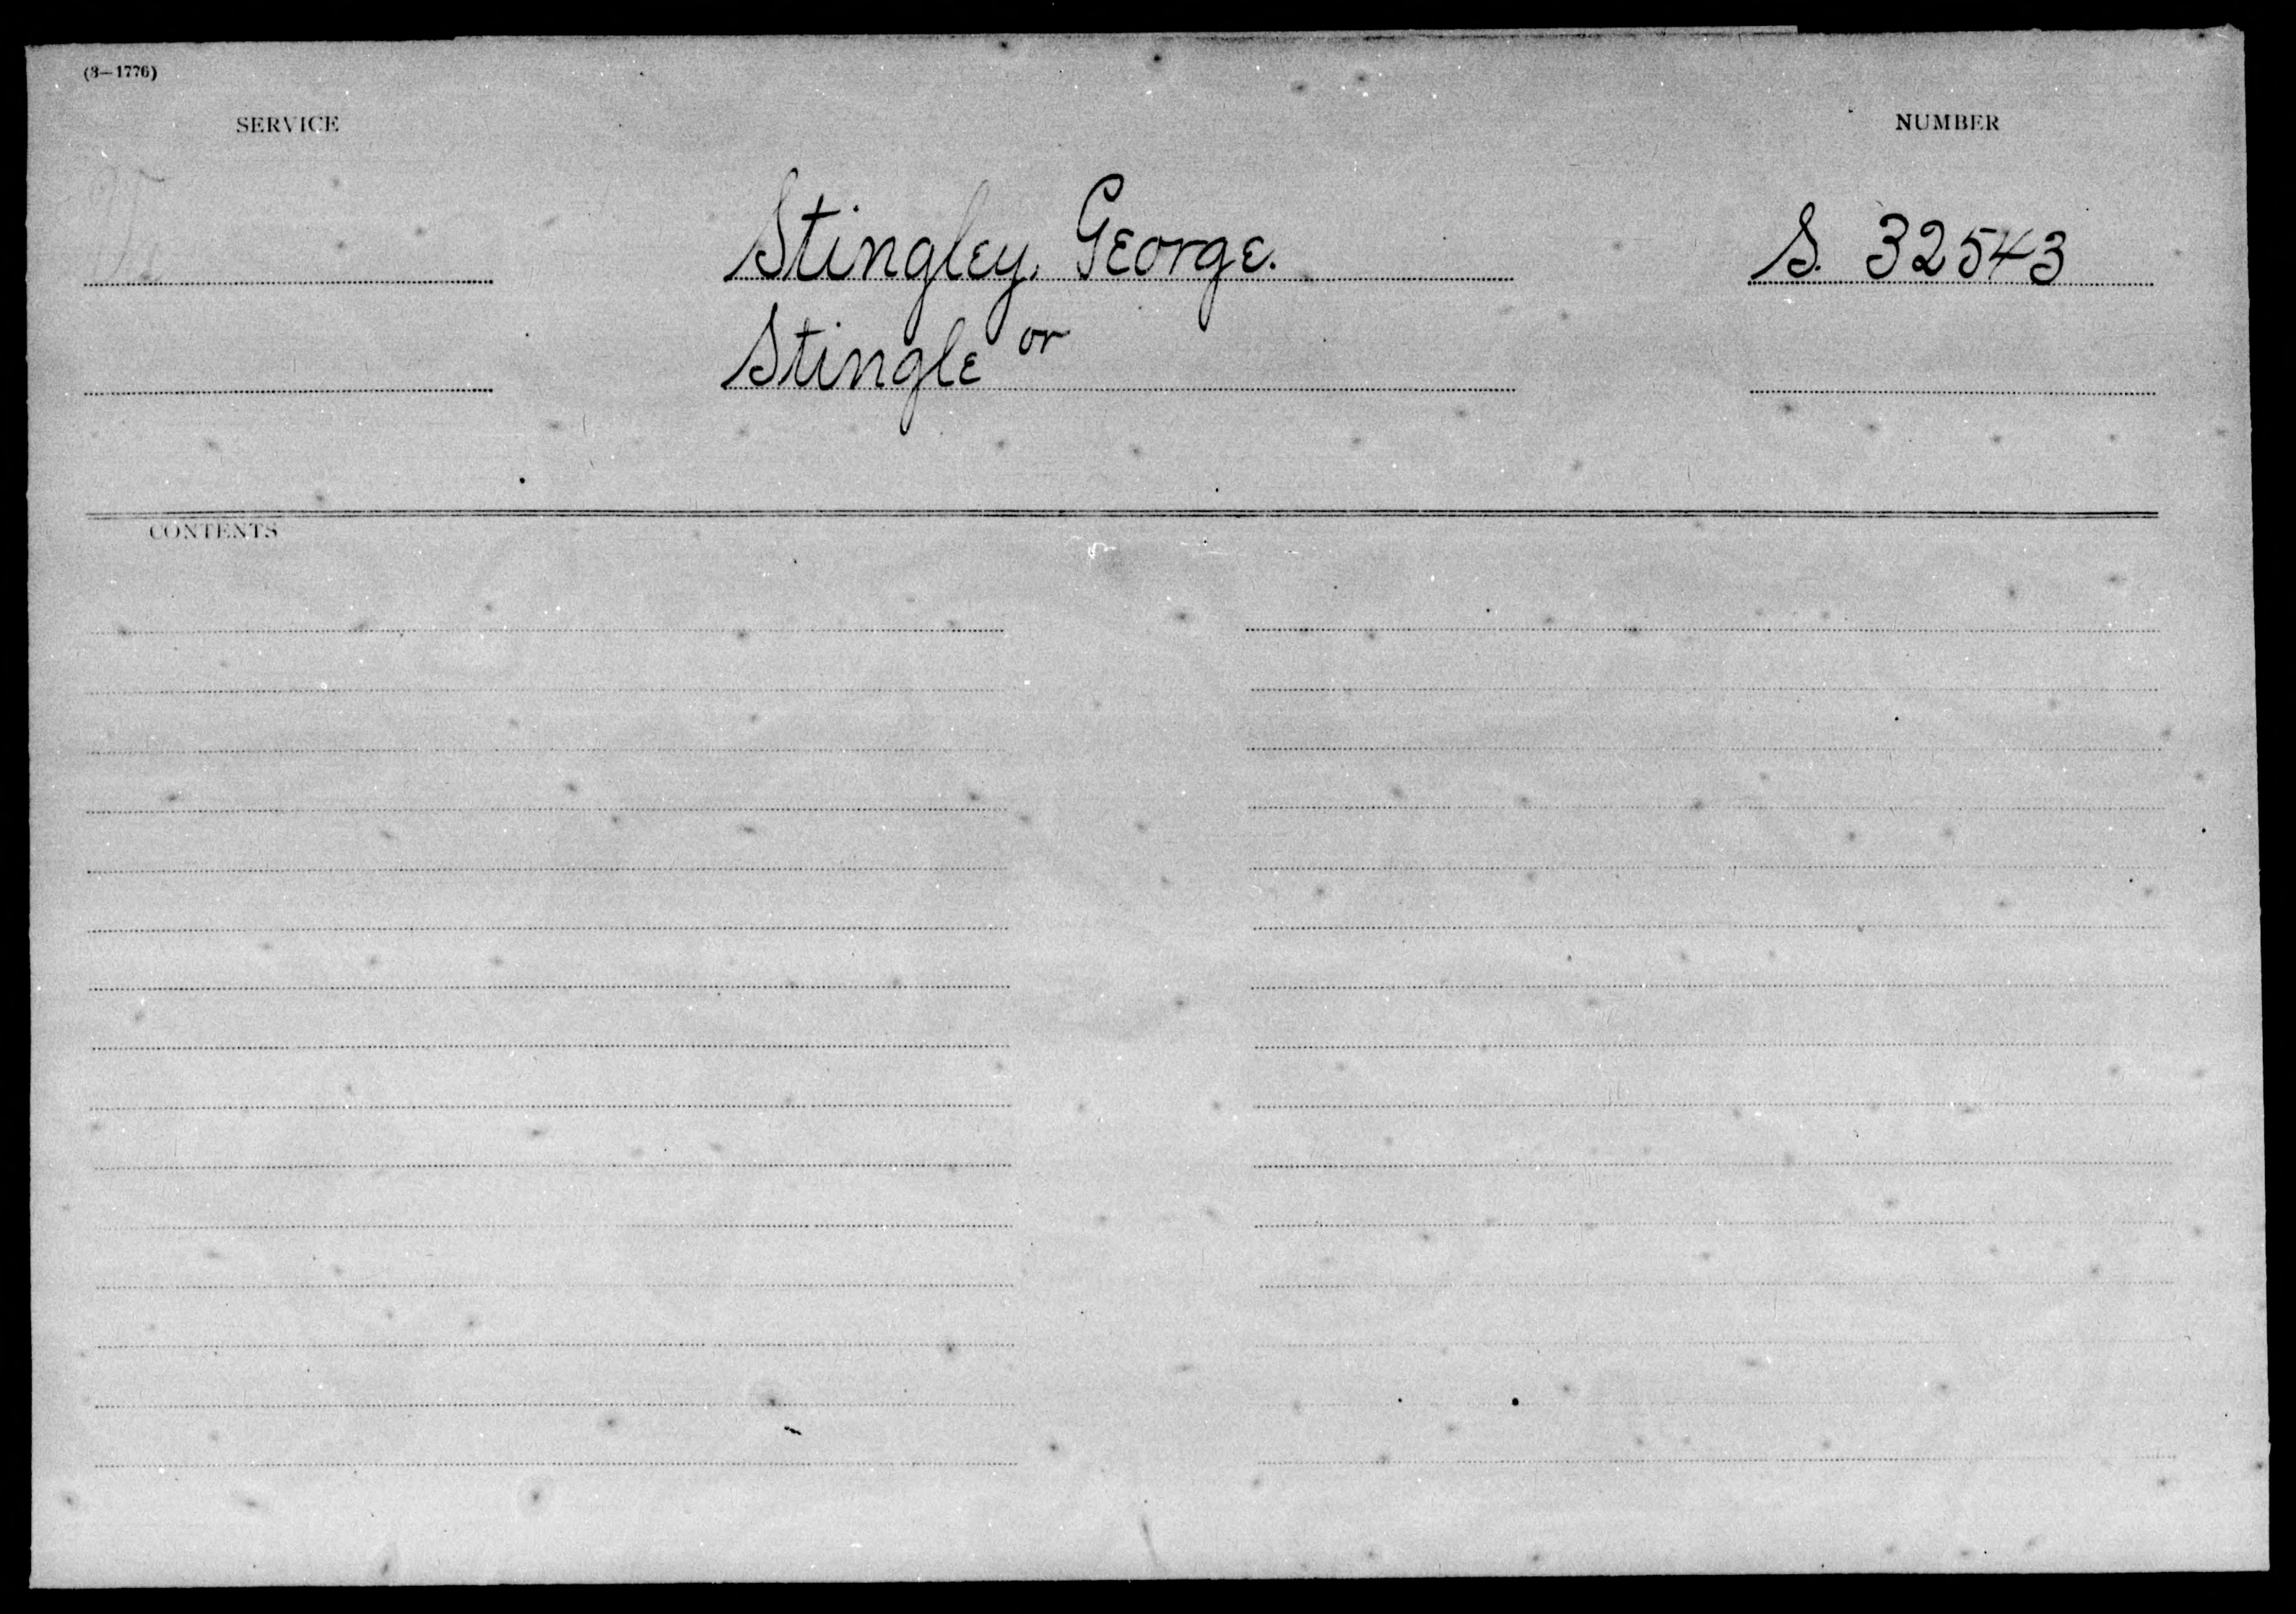SERVICE Va 
NUMBER S 32543

Stingley, George 
or 
Stingle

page: 1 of 12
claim: survivor's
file: S. 32543, for George Stingley, Virginia